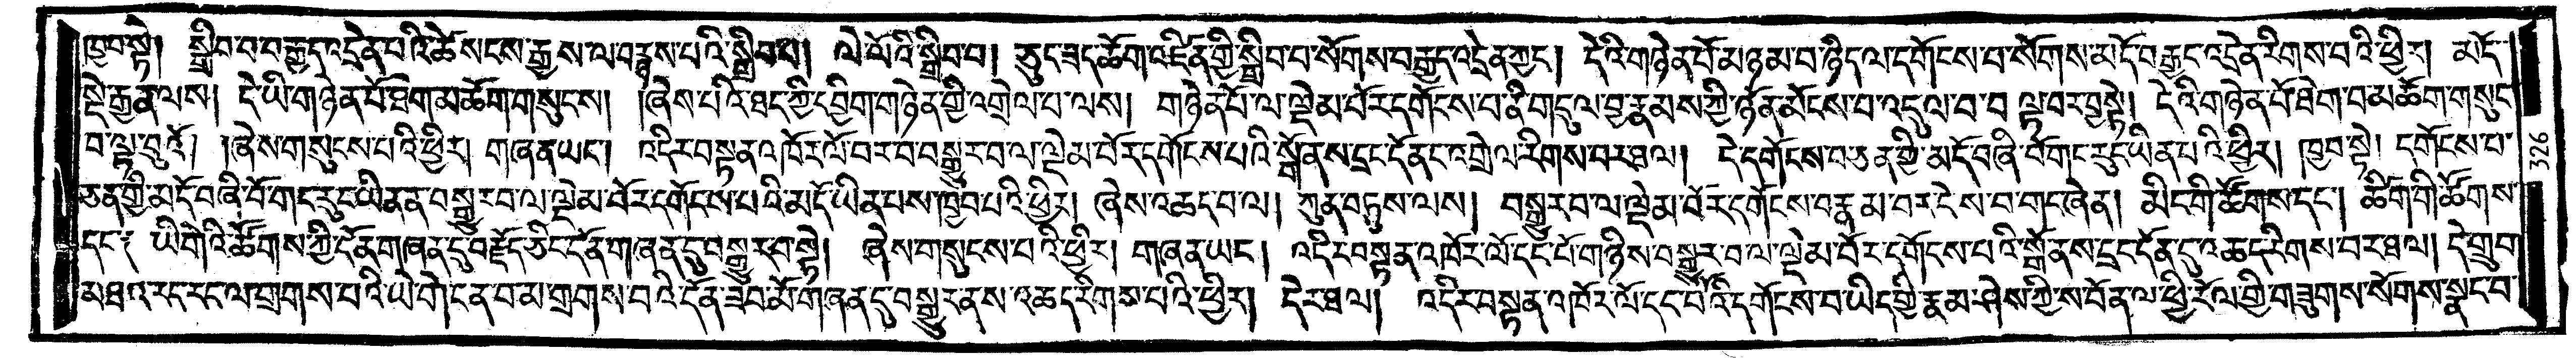ཁྱབ་སྟེ། སྒྲིབ་པ་བརྒྱད་འདྲེན་པའི་ཚེ་སངས་རྒྱས་ལ་བརྙས་པའི་སྒྲིབ་པ། ལེ་ལོའི་སྒྲིབ་པ། ཅུང་ཟད་ཆོག་འཛིན་གྱི་སྒྲིབ་པ་སོགས་བརྒྱད་འདྲེན་ཀྱང་། དེའི་གཉེན་པོ་མཉམ་པ་ཉིད་ལ་དགོངས་པ་སོགས་མདོ་བརྒྱད་འདྲེན་རིགས་པའི་ཕྱིར། མདོ་
སྡེ་རྒྱན་ལས། དེ་ཡི་གཉེན་པོ་ཐེག་མཆོག་གསུངས། །ཞེས་པའི་ཐད་ཀྱི་དབྱིག་གཉེན་གྱི་འགྲེལ་པ་ལས། གཉེན་པོ་ལ་ལྡེམ་པོར་དགོངས་པ་ནི་གདུལ་བྱ་རྣམས་ཀྱི་ཉོན་མོངས་པ་འདུལ་བ་བལྟ་བར་བྱ་སྟེ། དེའི་གཉེན་པོ་ཐེག་པ་མཆོག་གསུང་
བ་ལྟ་བུའོ། །ཞེས་གསུངས་པའི་ཕྱིར། གཞན་ཡང་། འདིར་བསྟན་འཁོར་ལོ་བར་བ་བསྒྱུར་བ་ལ་ལྡེམ་པོར་དགོངས་པའི་སྒོ་ནས་དྲང་དོན་བ་འགྲེལ་རིགས་པར་ཐལ། དེ་དགོངས་པ་ཅན་གྱི་མདོ་བཞི་པོ་གང་རུང་ཡིན་པའི་ཕྱིར། ཁྱབ་སྟེ། དགོངས་པ་
ཅན་གྱི་མདོ་བཞི་པོ་གང་རུང་ཡིན་ན་བསྒྱུར་བ་ལ་ལྡེམ་པོར་དགོངས་པའི་མདོ་ཡིན་པས་ཁྱབ་པའི་ཕྱིར། ཞེས་འཆད་པ་ལ། ཀུན་བཏུས་ལས། བསྒྱུར་བ་ལ་ལྡེམ་པོར་དགོངས་པ་རྣམ་པར་ངེས་པ་གང་ཞེ་ན། མིང་གི་ཚོགས་དང་། ཚིག་གི་ཚོགས་
དང༑ ཡི་གེའི་ཚོགས་ཀྱི་དོན་གཞན་དུ་བརྗོད་ཅིང་དོན་གཞན་དུ་བསྒྱུར་བ་སྟེ། ཞེས་གསུངས་པའི་ཕྱིར། གཞན་ཡང་། འདིར་བསྟན་འཁོར་ལོ་དང་པོ་གཉིས་བསྒྱུར་བ་ལ་ལྡེམ་པོར་དགོངས་པའི་སྒོ་ནས་དྲང་དོན་དུ་འཆད་རིགས་པར་ཐལ། དེ་གྲུབ་
མཐའ་རང་རང་ལ་གྲགས་པའི་ཡི་གེ་ངན་བ་མ་གྲགས་པའི་དོན་ཟབ་མོ་གཞན་དུ་བསྒྱུར་ནས་འཆད་རིགས་པའི་ཕྱིར། དེར་ཐལ། འདིར་བསྟན་འཁོར་ལོ་དང་པོའི་དགོངས་པ་ཡིད་གྱི་རྣམ་ཤེས་ཀྱི་ས་བོན་ལ་ཕྱི་རོལ་གྱི་གཟུགས་སོགས་སྣང་བ་